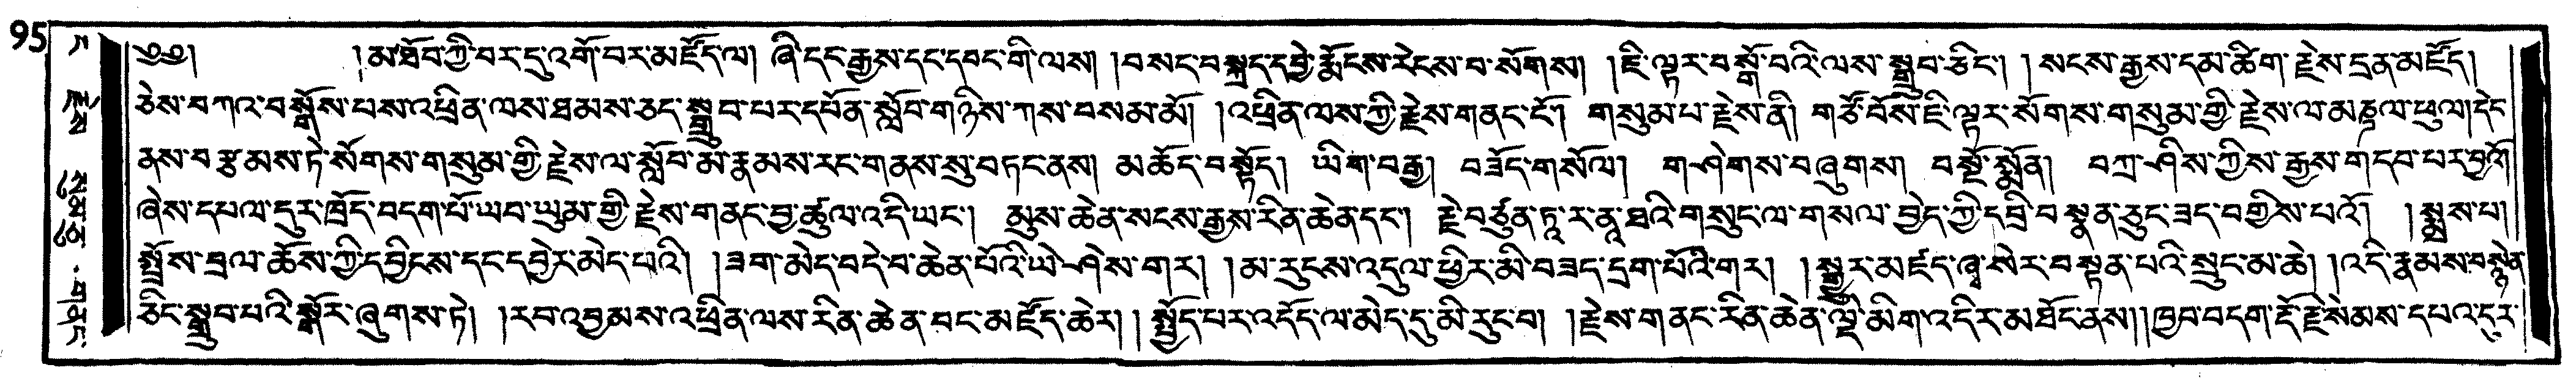༄༅། །མ་ཐོབ་ཀྱི་བར་དུ་འགོ་བར་མཛོད་ལ། ཞི་དང་རྒྱས་དང་དབང་གི་ལས། །བསང་བསྐྲད་དབྱེ་རྨོངས་རེངས་བ་སོགས། །ཇི་ལྟར་བསྒོ་བའི་ལས་སྒྲུབ་ཅིང་། །སངས་རྒྱས་དམ་ཚིག་རྗེས་དྲན་མཛོད།
ཅེས་བཀའ་བསྒོས་པས་འཕྲིན་ལས་ཐམས་ཅད་སྒྲུབ་པར་དཔོན་སློབ་གཉིས་ཀས་བསམ་མོ། །འཕྲིན་ལས་ཀྱི་རྗེས་གནང་ངོ། གསུམ་པ་རྗེས་ནི། གཙོ་བོས་ཇི་ལྟར་སོགས་གསུམ་གྱི་རྗེས་ལ་མཎྜལ་ཕུལ། དེང་
ནས་བརྩམས་ཏེ་སོགས་གསུམ་གྱི་རྗེས་ལ་སློབ་མ་རྣམས་རང་གནས་སུ་བཏང་ནས། མཆོད་བསྟོད། ཡིག་བརྒྱ། བཟོད་གསོལ། གཤེགས་བཞུགས། བསྔོ་སྨོན། བཀྲ་ཤིས་ཀྱིས་རྒྱས་གདབ་པར་བྱའོ།
ཞེས་དཔལ་དུར་ཁྲོད་བདག་པོ་ཡབ་ཡུམ་གྱི་རྗེས་གནང་བྱ་ཚུལ་འདི་ཡང་། མུས་ཆེན་སངས་རྒྱས་རིན་ཆེན་དང་། རྗེ་བཙུན་ཏཱ་ར་ནཱ་ཐའི་གསུང་ལ་གསལ་བྱེད་ཀྱི་དབྲི་བསྣན་ཅུང་ཟད་བགྱིས་པའོ། །སྨྲས་པ།
སྤྲོས་བྲལ་ཆོས་ཀྱི་དབྱིངས་དང་དབྱེར་མེད་པའི། །ཟག་མེད་བདེ་བ་ཆེན་པོའི་ཡེ་ཤེས་གར། །མ་རུངས་འདུལ་ཕྱིར་མི་བཟད་དྲག་པོའི་གར། །སྒྱུར་མཛད་ཞྭ་སེར་བསྟན་པའི་སྲུང་མ་ཆེ། །འདི་རྣམས་བསྙེན་
ཅིང་སྒྲུབ་པའི་སྒོར་ཞུགས་ཏེ། །རབ་འབྱམས་འཕྲིན་ལས་རིན་ཆེན་པང་མཛོད་ཆེར། །སྤྱོད་པར་འདོད་ལ་མེད་དུ་མི་རུང་བ། །རྗེས་གནང་རིན་ཆེན་ལྡེ་མིག་འདིར་མཐོང་ནས། །ཁྱབ་བདག་རྡོ་རྗེ་སེམས་དཔའ་དུར་